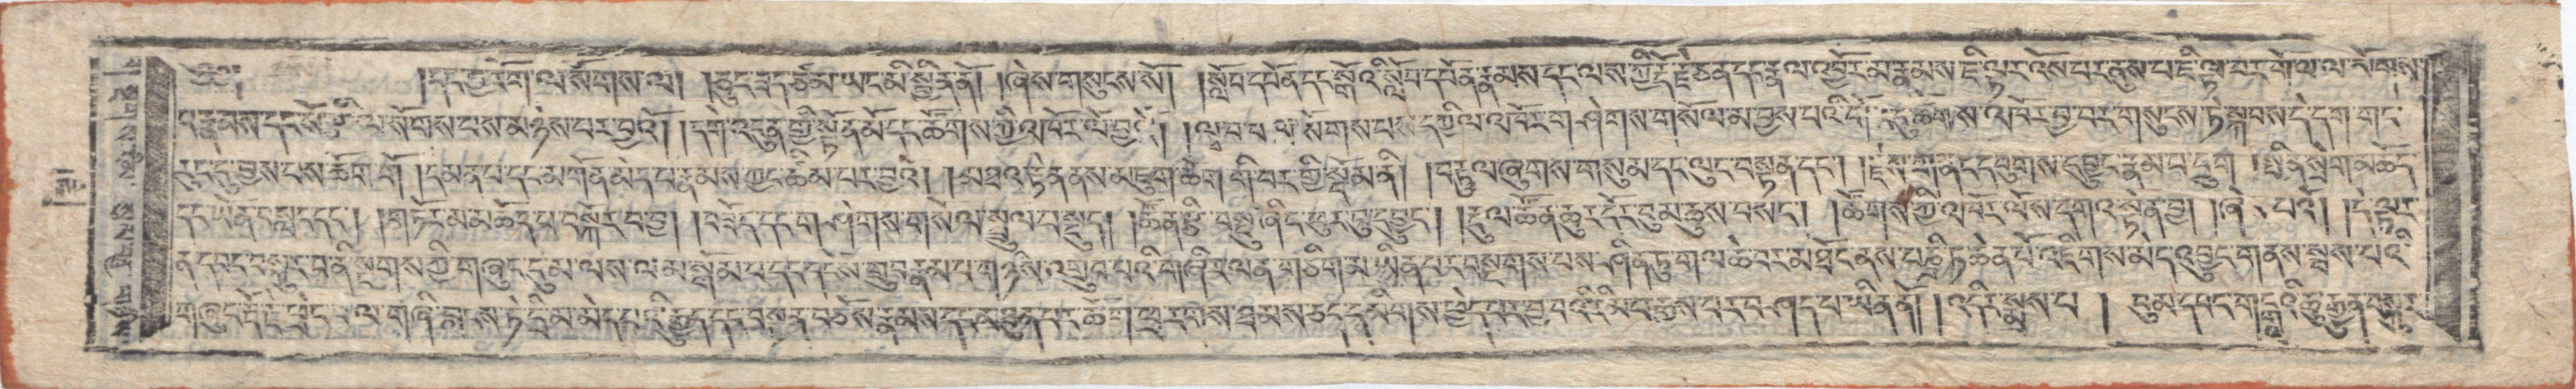༄༅། །དང་བྱ་རོག་ལ་སོགས་ལ། །ཅུང་ཟད་ཙམ་ཡང་མི་སྦྱིན་ནོ། །ཞེས་གསུངས་སོ། །སློབ་དཔོན་དང་སྒོའི་སློབ་དཔོན་རྣམས་དང་ལས་ཀྱི་རྡོ་རྗེ་ཅན་དང་རྣལ་འབྱོར་མ་རྣམས་ཇི་ལྟར་འོས་པར་ནུས་པ་ཇི་ལྟ་བར་གོ་ལ་ལ་སོགས་
པ་རྣམས་དང་སོ་རྩི་ལ་སོགས་པས་མཉེས་པར་བྱའོ། །དགེ་འདུན་གྱི་སྟོན་མོ་དང་ཚོགས་ཀྱི་འཁོར་ལོ་བྱའོ། །ལྭ་བ་པ་ལ་སོགས་པས་དཀྱིལ་འཁོར་གཤེགས་གསོལ་མ་བྱས་པའི་གོང་དུ་ཚོགས་འཁོར་བྱ་བར་གསུངས་ཏེ་སྐབས་དེ་དག་གང་
རུང་དུ་བྱས་པས་ཆོག་གོ །དམན་པ་དང་མགོན་མེད་པ་རྣམས་ཀྱང་ཚིམ་པར་བྱའོ། །མཐའ་རྟེན་ནས་མཇུག་ཆོག་གི་བར་གྱི་སྡོམ་ནི། །བརྟུལ་ཞུགས་གསུམ་དང་ལུང་བསྟན་དང་། །རྗེས་གནང་དབུགས་དབྱུང་རྣམ་པ་དྲུག །སྦྱིན་སྲེག་མཆོད་
དང་ཡོན་བསླང་དང་། །གཏོར་མ་མཆོད་པ་བསྐོར་བ་བྱ། །བཟོད་དང་གཤེགས་གསོལ་སྤྲུལ་པ་སྡུད། །ཚོན་རྩི་བསྡུ་ཞིང་ཕུར་བུ་དབྱུང་། །རྡུལ་ཚོན་ཆུར་དོར་བུམ་ཆུས་བསང་། །ཚོགས་ཀྱི་འཁོར་ལོས་དགའ་སྟོན་བྱ། །ཞེད་པའོ། །དེ་ལྟར་
ན་དབང་བསྐུར་བ་ནི་སྔགས་ཀྱི་གཞུང་དུ་མ་ལས་ལམ་སྒོམ་པ་དང་དངོས་གྲུབ་རྣམ་པ་གཉིས་འགྲུབ་པའི་གཞིར་ལན་གཅིག་མ་ཡིན་པར་བསྔགས་པས་ཤིན་ཏུ་གལ་ཆེ་བར་མཐོང་ནས་པཎྜི་ཏ་ཆེན་པོ་འཇིགས་མེད་འབྱུང་གནས་སྦས་པའི་
གཞུང་རྡོ་རྗེ་ཕྲེང་བ་ལ་གཞི་བླངས་ཏེ་དྲི་མ་མེད་པའི་རྒྱུད་དང་བསྟན་བཅོས་རྣམས་དང་མཐུན་པར་ཆོ་ག་ཕྲ་རགས་ཐམས་ཅད་དམིགས་ཕྱེད་པར་བྱ་བའི་རིམ་པ་རྒྱས་པར་བཤད་པ་ཡིན་ནོ། །འདིར་སྨྲས་པ། བུམ་དབང་གངྒཱའི་ཆུ་རྒྱུན་བསྐུར་